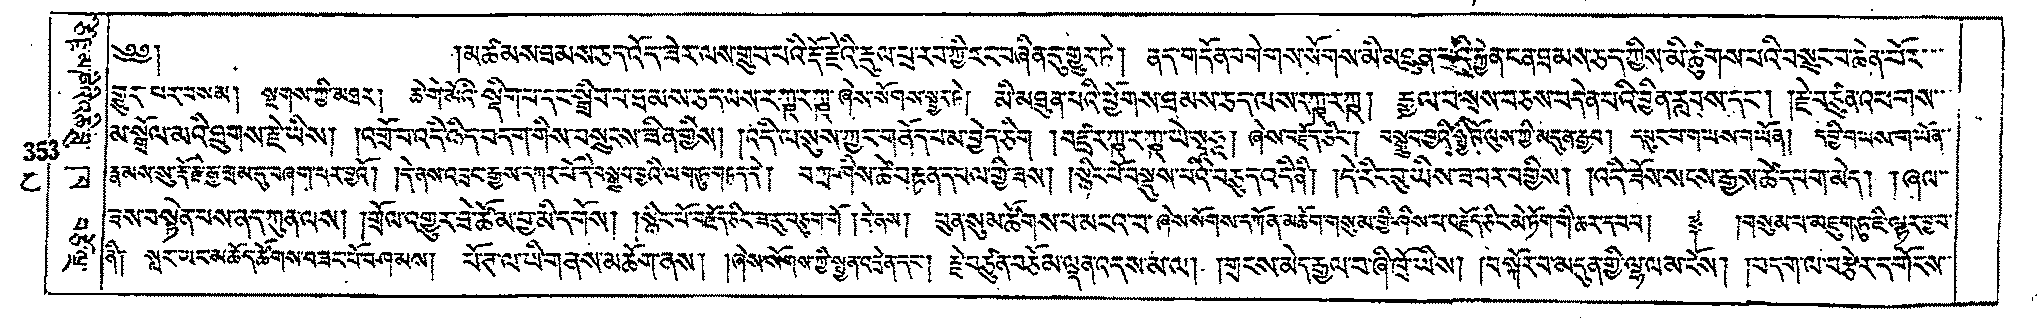༄༅། །མཚམས་ཐམས་ཅད་འོད་ཟེར་ལས་གྲུབ་པའི་རྡོ་རྗེའི་རྡུལ་ཕྲ་རབ་ཀྱི་རང་བཞིན་དུ་གྱུར་ཏེ། ནད་གདོན་བགེགས་སོགས་མི་མཐུན་པའི་རྐྱེན་ངན་ཐམས་ཅད་ཀྱིས་མི་ཚུགས་པའི་བསྲུང་བ་ཆེན་པོར་་་
གྱུར་པར་བསམ། སྔགས་ཀྱི་མཐར། ཆེ་གེ་མོའི་སྡིག་པ་དང་སྒྲིབ་པ་ཐམས་ཅད་ལས་རཀྵ་རཀྵ་ཞེས་སོགས་སྦྱར་ཏེ།  མི་མཐུན་པའི་ཕྱོགས་ཐམས་ཅད་ལས་རཀྵ་རཀྵ། རྒྱལ་བ་སྲས་བཅས་བདེན་པའི་བྱིན་རླབས་དང་། །རྗེ་བཙུན་འཕགས་་་
མ་སྒྲོལ་མའི་ཐུགས་རྗེ་ཡིས། །འགྲོ་བ་འདི་ཉིད་བདག་གིས་བསྲུངས་ཟིན་གྱིས། །འདི་ལ་སུས་ཀྱང་གནོད་པ་མ་བྱེད་ཅིག །བཛྲ་རཀྵ་རཀྵ་ཡེ་སྭཱཧཱ། ཞེས་བརྗོད་ཅིང་། བསྒྲུབ་བྱའི་སྤྱི་བོ་ལུས་ཀྱི་མདུན་རྒྱབ། དཔུང་བ་གཡས་གཡོན། །དཔྱི་གཡས་གཡོན་་་
རྣམས་སུ་རྡོ་རྗེ་རྒྱ་གྲམ་དུ་བཞག་པར་བྱའོ། །དེ་ནས་འབྲང་རྒྱས་དཀར་པོ་དེ་བསྒྲུབ་བྱའི་ལག་ཏུ་གཏད་དེ། བཀྲ་ཤིས་ཚེ་བརྟན་དཔལ་གྱི་ཟས། །སྙིང་པོ་བསྡུས་པའི་བཅུད་འདི་ནི། །དེ་རིང་བུ་ཡིས་ཟ་བར་བགྱིས། །འདི་ཟོས་སངས་རྒྱས་ཚེ་དཔག་མེད། །ཞལ་་་
ཟས་བསྟེན་པས་ནད་ཀུན་ལས། །གྲོལ་འགྱུར་ཐེ་ཚོམ་བྱ་མི་དགོས། །སྙིང་པོ་བརྗོད་ཅིང་ཟ་རུ་བཅུག་གོ །དེ་ནས། ཕུན་སུམ་ཚོགས་པ་མངའ་བ་ཞེས་སོགས་དཀོན་མཆོག་གསུམ་གྱི་ཤིས་པ་བརྗོད་ཅིང་མེ་ཏོག་གི་ཆར་དབབ། ༈ །གསུམ་པ་མཇུག་ཏུ་ཇི་ལྟར་བྱ་བ་
ནི༑ སླར་ཡང་མཆོད་ཚོགས་བཟང་པོ་བཤམས། པོ་ཊ་ལ་ཡི་གནས་མཆོག་ནས། །ཞེས་སོགས་ཀྱི་སྤྱན་འདྲེན་དང་།  རྗེ་བཙུན་བཅོམ་ལྡན་འདས་མ་ལ། །གྲངས་མེད་རྒྱལ་བ་ཞི་ཁྲོ་ཡིས། །བསྐོར་བ་མདུན་གྱི་ལྷ་ལམ་ངོས། །བདག་ལ་བརྩེར་དགོངྶ་་་